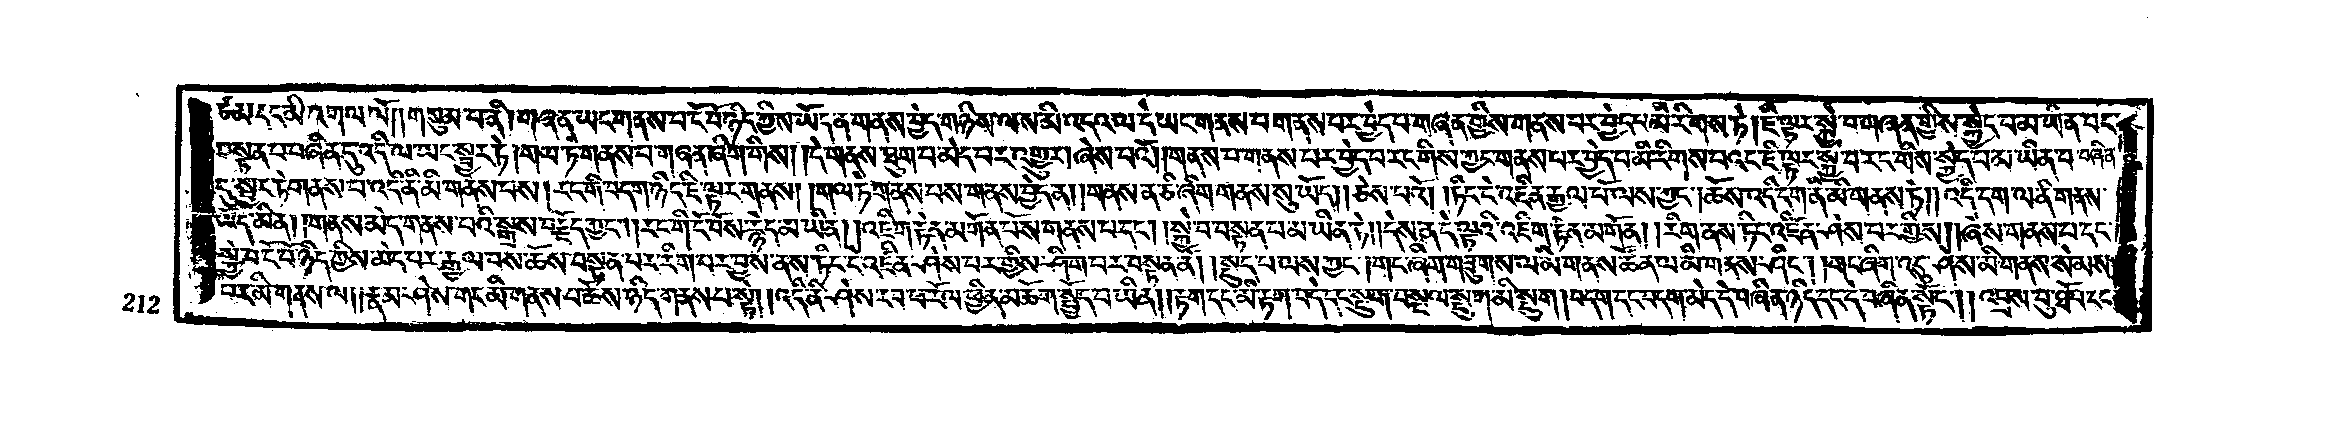ཙམ་དང་མི་འགལ་ལོ། །གསུམ་པ་ནི། གཞན་ཡང་གནས་པ་ངོ་བོ་ཉིད་ཀྱིས་ཡོད་ན་གནས་བྱེད་གཉིས་ལས་མི་འདའ་ལ་དེ་ཡང་གནས་པ་གནས་པར་བྱེད་པ་གཞན་གྱིས་གནས་པར་བྱེད་པ་མི་རིགས་ཏེ། ཇི་ལྟར་སྐྱེ་བ་གཞན་གྱིས་སྐྱེད་པ་མ་ཡིན་པར་
བསྟན་པ་བཞིན་དུ་འདི་ལ་ཡང་སྦྱར་ཏེ། གལ་ཏེ་གནས་པ་གཞན་ཞིག་གིས། །དེ་གནས་ཐུག་པ་མེད་པར་འགྱུར། ཞེས་པའོ། །གནས་པ་གནས་པར་བྱེད་པ་རང་གིས་ཀྱང་གནས་པར་བྱེད་པ་མི་རིགས་བའང་ཇི་ལྟར་སྐྱེ་བ་རང་གིས་སྐྱེད་པ་མ་ཡིན་པ་བཞིན་
དུ་སྦྱར་ཏེ་གནས་པ་འདི་ནི་མི་གནས་པས། རང་གི་བདག་ཉིད་ཇི་ལྟར་གནས། །གལ་ཏེ་གནས་པས་གནས་བྱེད་ན། །གནས་ན་ཅི་ཞིག་གནས་སུ་ཡོད། །ཅེས་པའི། །ཏིང་ངེ་འཛིན་རྒྱལ་པོ་ལས་ཀྱང་། ཆོས་འདི་དག་ནི་མི་གནས་ཏེ། །འདི་དག་ལ་ནི་གནས་
ཡོད་མིན། །གནས་མེད་གནས་པའི་སྒྲས་བརྗོད་ཀྱང་། །རང་གི་ངོ་བོས་རྙེད་མ་ཡིན། །འཇིག་རྟེན་མགོན་པོས་གནས་པ་དང་། །སྐྱེ་བ་བསྟན་པ་མ་ཡིན་ཏེ། །དེས་ན་དེ་ལྟའི་འཇིག་རྟེན་མགོན། །རིག་ནས་ཏིང་འཛིན་ཤེས་བར་གྱིས། །ཞེས་གནས་པ་དང་
སྐྱེ་བ་ངོ་བོ་ཉིད་ཀྱིས་མེད་པར་རྒྱལ་བས་ཆོས་བསྟན་པར་རིག་པར་བྱས་ནས་ཏིང་ངེ་འཛིན་ཤེས་པར་གྱིས་ཤིག་པར་བསྟན་ནོ། །སྡུད་པ་ལས་ཀྱང་། གང་ཞིག་གཟུགས་ལ་མི་གནས་ཚོར་ལ་མི་གནས་ཤིང་། །གང་ཞིག་འདུ་ཤེས་མི་གནས་སེམས་
བར་མི་གནས་ལ། །རྣམ་ཤེས་གང་མི་གནས་པ་ཆོས་ཉིད་གནས་པ་སྟེ། །འདི་ནི་ཤེས་རབ་ཕ་རོལ་ཕྱིན་མཆོག་སྦྱོད་པ་ཡིན། །རྟག་དང་མི་རྟག་བདེ་དང་སྡུག་བསྔལ་སྡུག་མི་སྡུག །བདག་དང་བདག་མེད་དེ་བཞིན་ཉིད་དང་དེ་བཞིན་སྟོང་། །འབྲས་བུ་ཐོབ་དང་